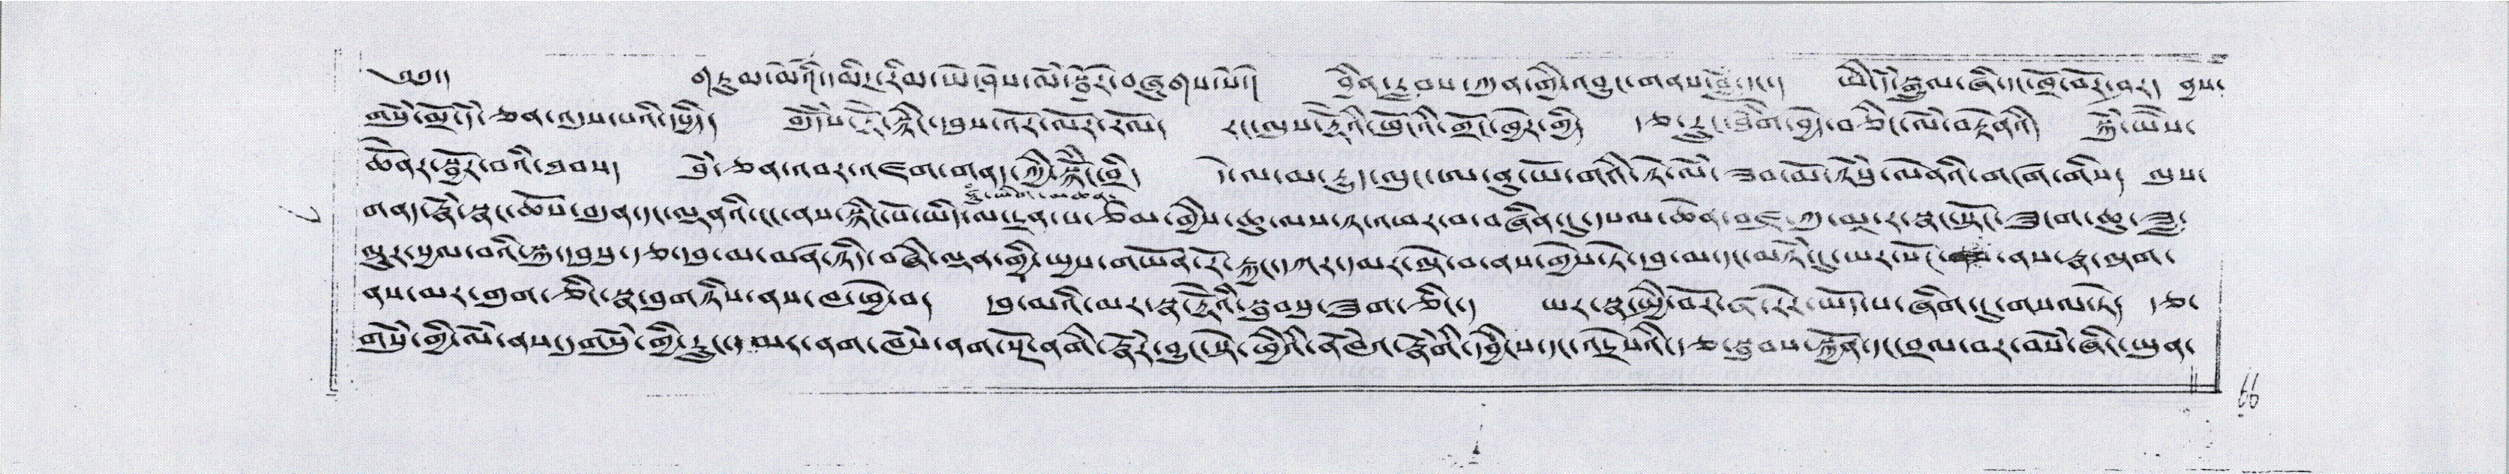༄༅།། གཏུམ་མོའི་དམིགས་རིམ་ཡེ་ཤེས་ལམ་སྦྱོར་བཞུགས་སོ། བྱིན་རླབས་ཀུན་གྱི་འབྱུང་གནས་བླ་མ་དང། ཡི་དམ་རྒྱུ་འཕྲུལ་ཞི་དང་ཁྲོ་བོར་ཤར། བྱས།
གསུམ་མཁའ་འགྲོ་དམ་ཅན་འདུས་པའི་དཔྱིད། བདུད་འཇོམས་རྡོ་རྗེ་སྙིང་དབུས་འོར་མོར་རོལ། རང་ལུས་རྡོ་རྗེའི་ཕུང་པོའི་གྲོང་ཁྱེར་གྱི། རྩ་རླུང་ཐིག་ལེ་བྱེད་བཅིང་ལམ་བརྟེན་པའི། སྐུ་གསུམ་ཡེ་ཤེས་
ཆེན་པོར་སྦྱོར་བའི་ཐབས། བུམ་ཅན་འབར་འཛག་གནད་ཀྱི་སྙོང་པོ་བྲི། དེ་ལ་མ་རྒྱུད་ལུང་ཨ་ནུ་ཡོ་གའི་ཉེ་ལམ་ཟབ་མོ་ཉམས་སུ་ལེན་པའི་གདམས་ངག་གིས། ལུས་
གནད་རྣམ་སྣང་ཆོས་བདུན་དང་ལྡན་པའི་ངང་ནས་སྙིང་པོ་ཡིད་ལ་དྲན་པ་ཙམ་གྱིས་ཆུ་ལས་ཉ་འཕར་བ་བཞིན་དུ་དཔལ་ཆེན་བཛྲ་ཀུ་མཱ ར་སྣང་སྟོང་ཟུང་འཇུག་ཆུ་ཟླ་
ལྟ་བུར་གསལ་བའི་སྐུ་དབུས་སུ་རྩ་བུ་མ་མཚན་ཉིད་བཞི་ལྡན་གྱི་གཡས་གཡོན་རོ་རྐྱང་དཀར་དམར་ལྟེ་བ་ནས་གྱེས་ཏེ་དབུ་མ་དང་མཉམ་དུ་ཡར་སོང་ནས་རྣ་ལྟག་
ནས་མར་གུག་ཅིང་སྣ་བུག་ཉིས་ནས་ཁ་ཕྱེ་བར། དབུ་མའི་མར་སྣ་རྡོ་རྗེའི་སྦུབ་སུ་ཟུག་ཅིང། ཡར་སྣ་སྤྱི་བོར་ཧ་རེར་ཡོད་པ་ཞིག་དུ་གསལ་ཏེ། རྩ་
གསུམ་གྱི་ལམ་ནས་དུག་གསུམ་གྱི་རླུང་དམར་ནག་ཁམས་ནག་སྔོ་ནག་གི་རྣལ་འབྱོར་བྱུང་སྟེ་ཕྱིའི་ནམ་མཁའ་རྣམ་དག་གི་དབྱིངས་དང་འདྲེས་པའི་རྩ་སྦུབས་སྐྱོན་དང་བྲལ་བར་བསམ་ཞིང་ཡུན་